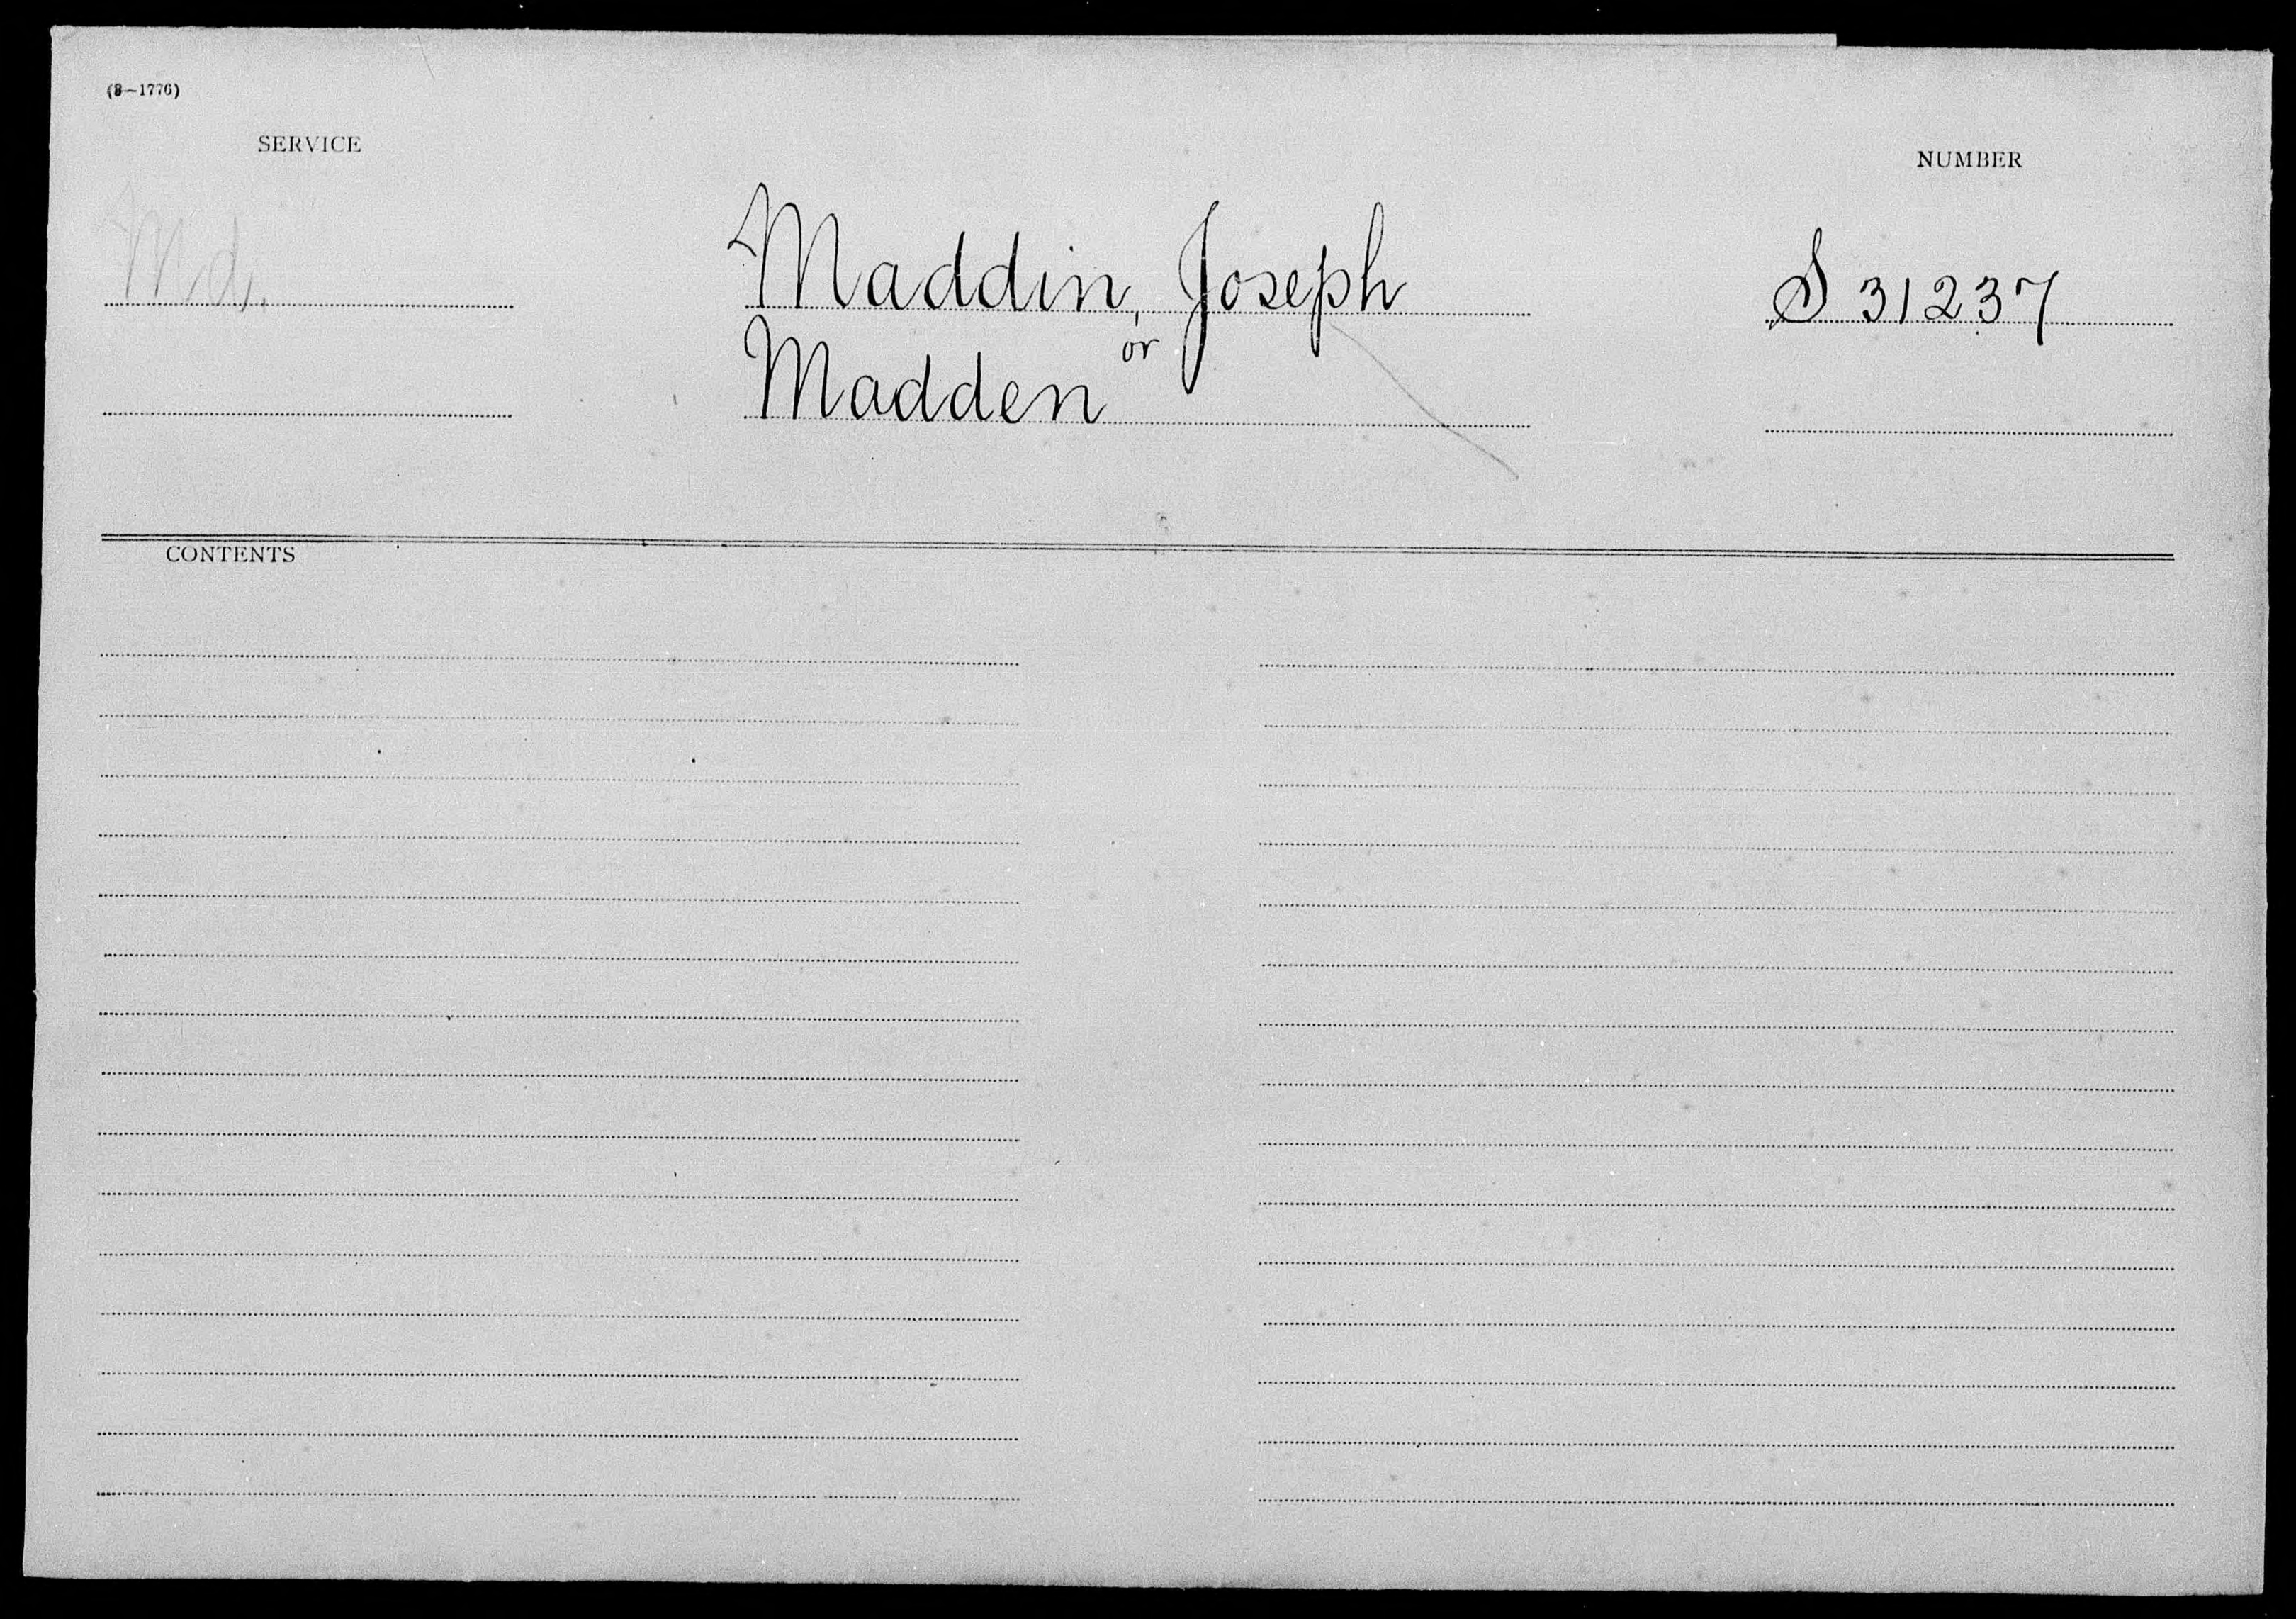( 2 - 1776 )
SERVICE
Md

Maddin, Joseph
or Madden

NUMBER
S 31237

CONTENTS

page: 1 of 14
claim: survivor's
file: S 31237, for Joseph Maddin, Maryland